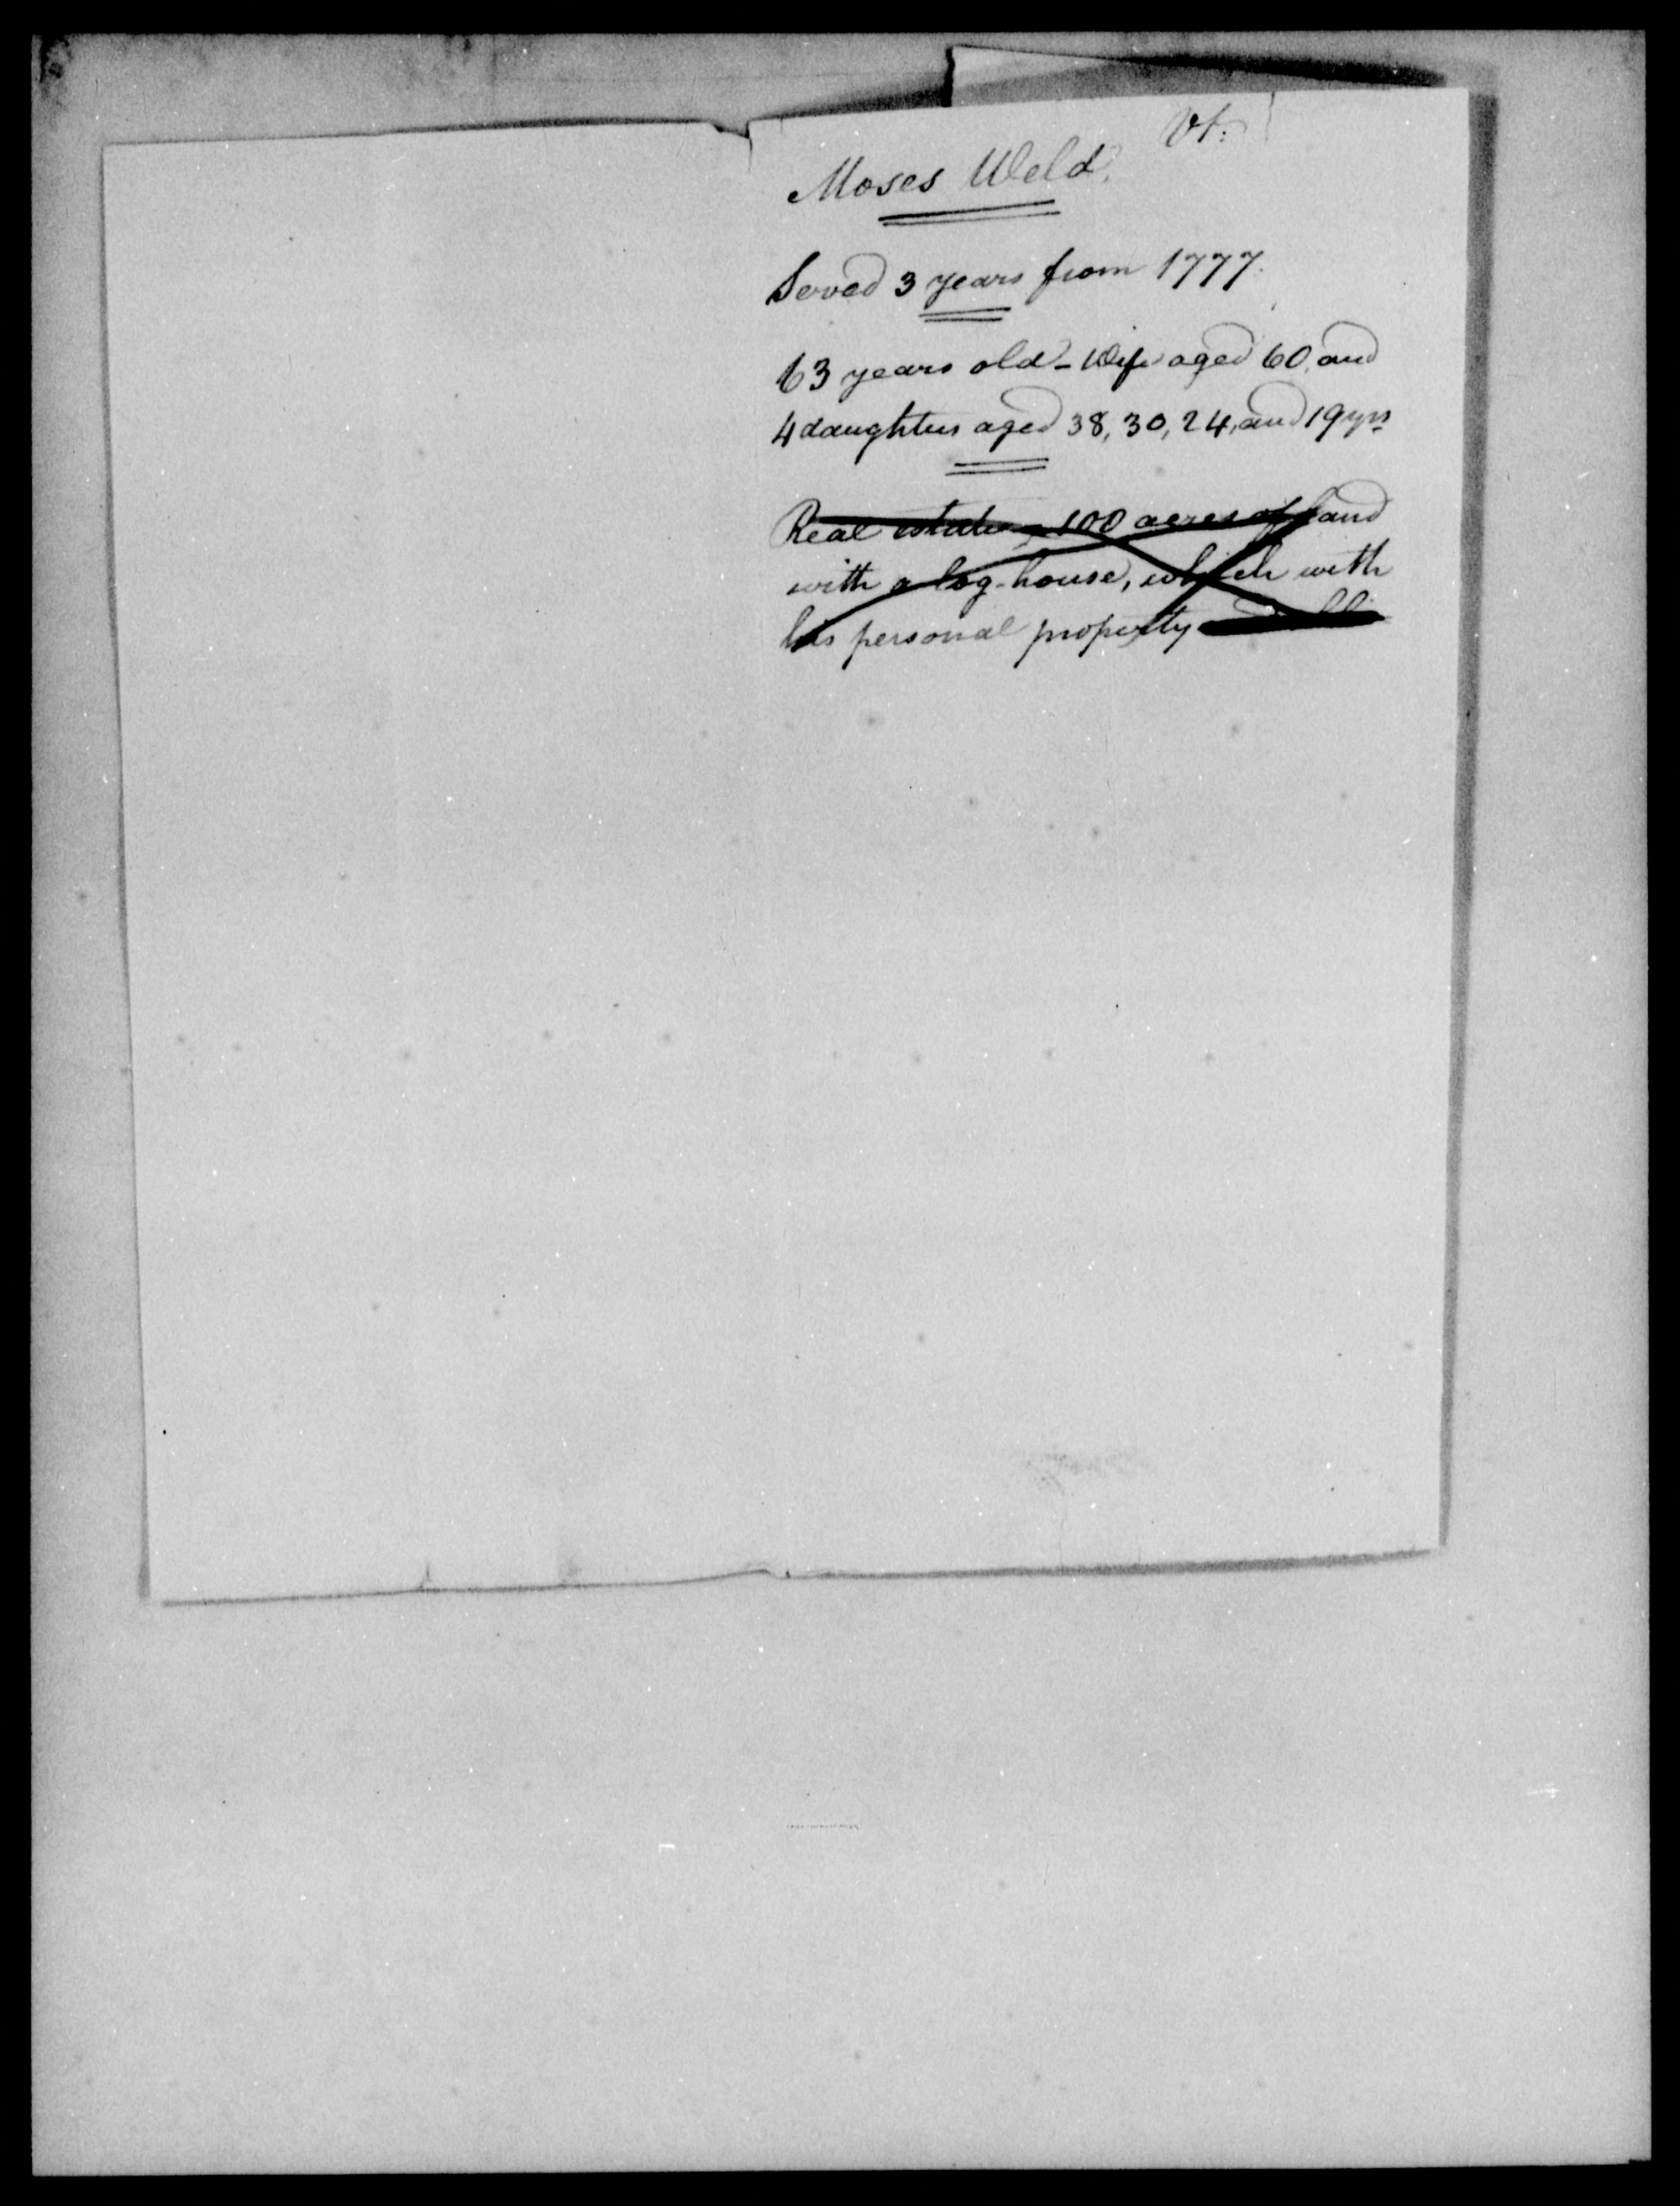Vt:
Moses Weld,
Seved 3 years from 1777.
63 years old- wife aged 60, and
4 daughter aged 38, 30, 24, and 19 yrs.
-
Edit:  The following crossed out:
Real estate, 100 acres of land
with a log house, which with
his personal property ___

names: Moses Weld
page: 25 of 87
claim: widow's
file: W. 25,966, Moses Weld, Mass.